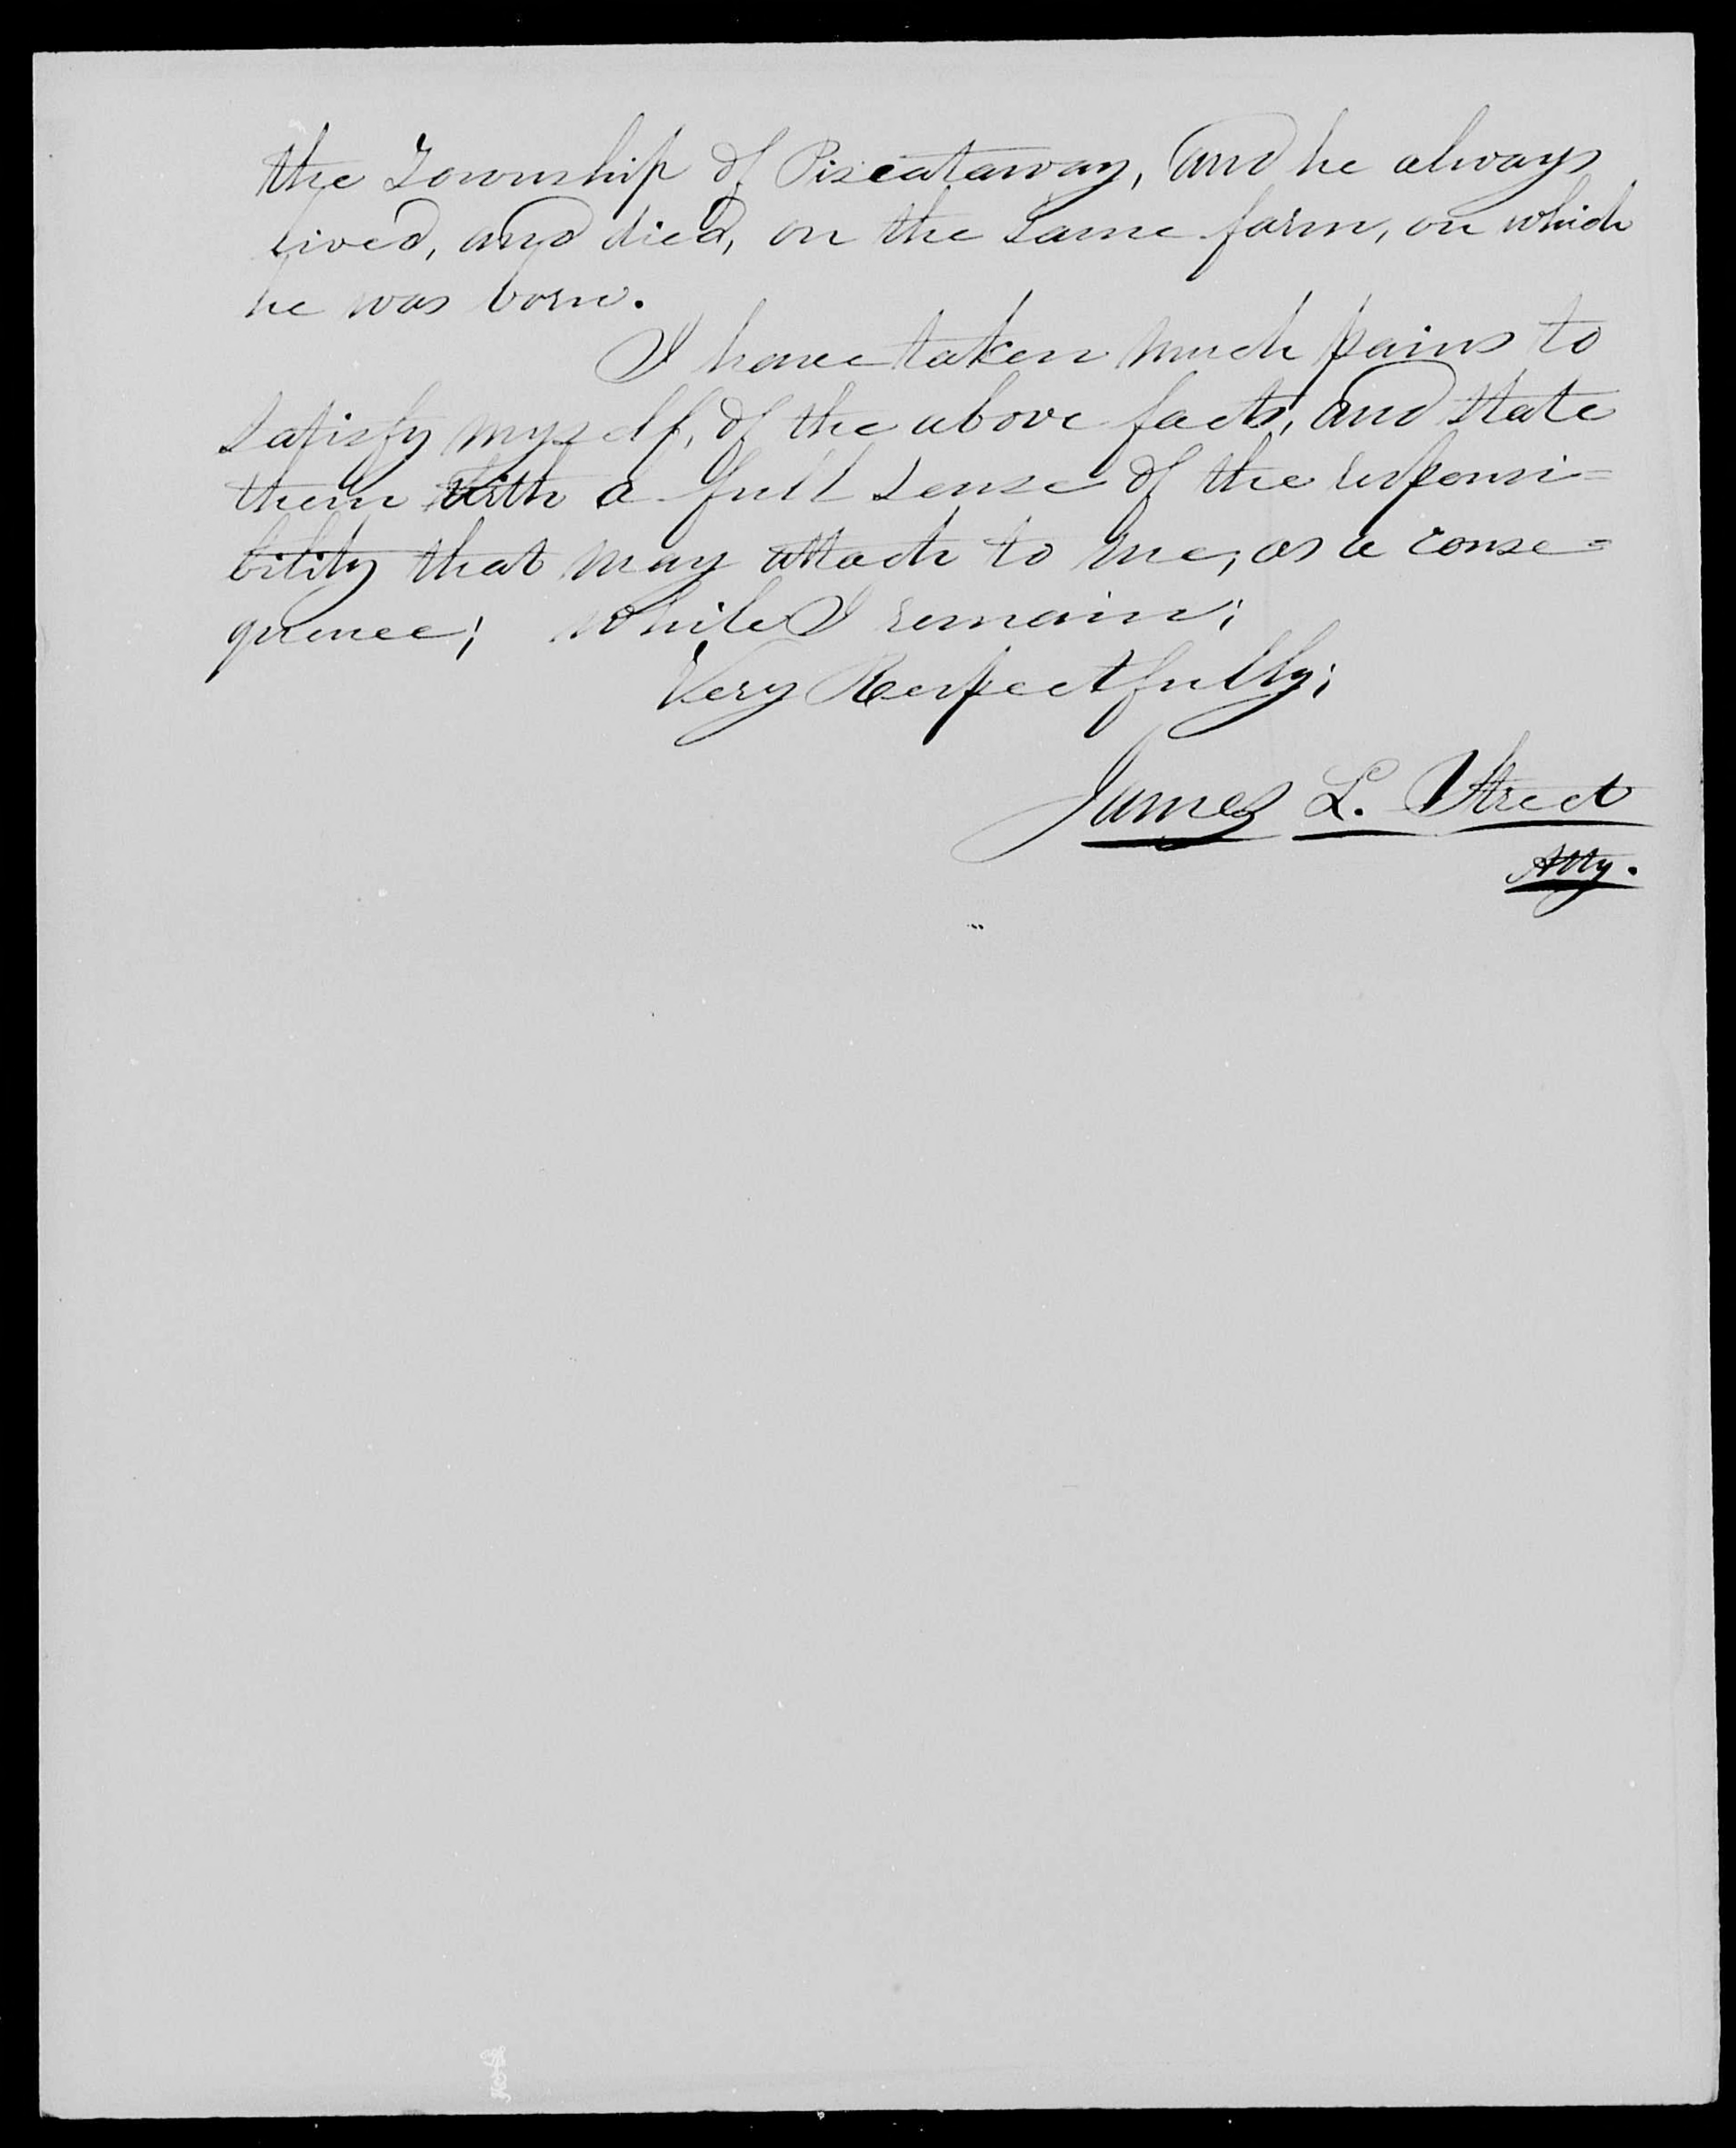the Township of Piscataway, and he always
lived, and died, on the same farm, on which
he was born.
I have taken much pains to
satisfy myself, of the above facts, and state
them with a full sense of the 
responsibility that may attach to me, as a consequence;
While I remain,
Very Respectfully,
James L. Street
Atty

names: James L Street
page: 50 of 52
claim: widow's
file: W. 919, Joel Dunn, New Jersey